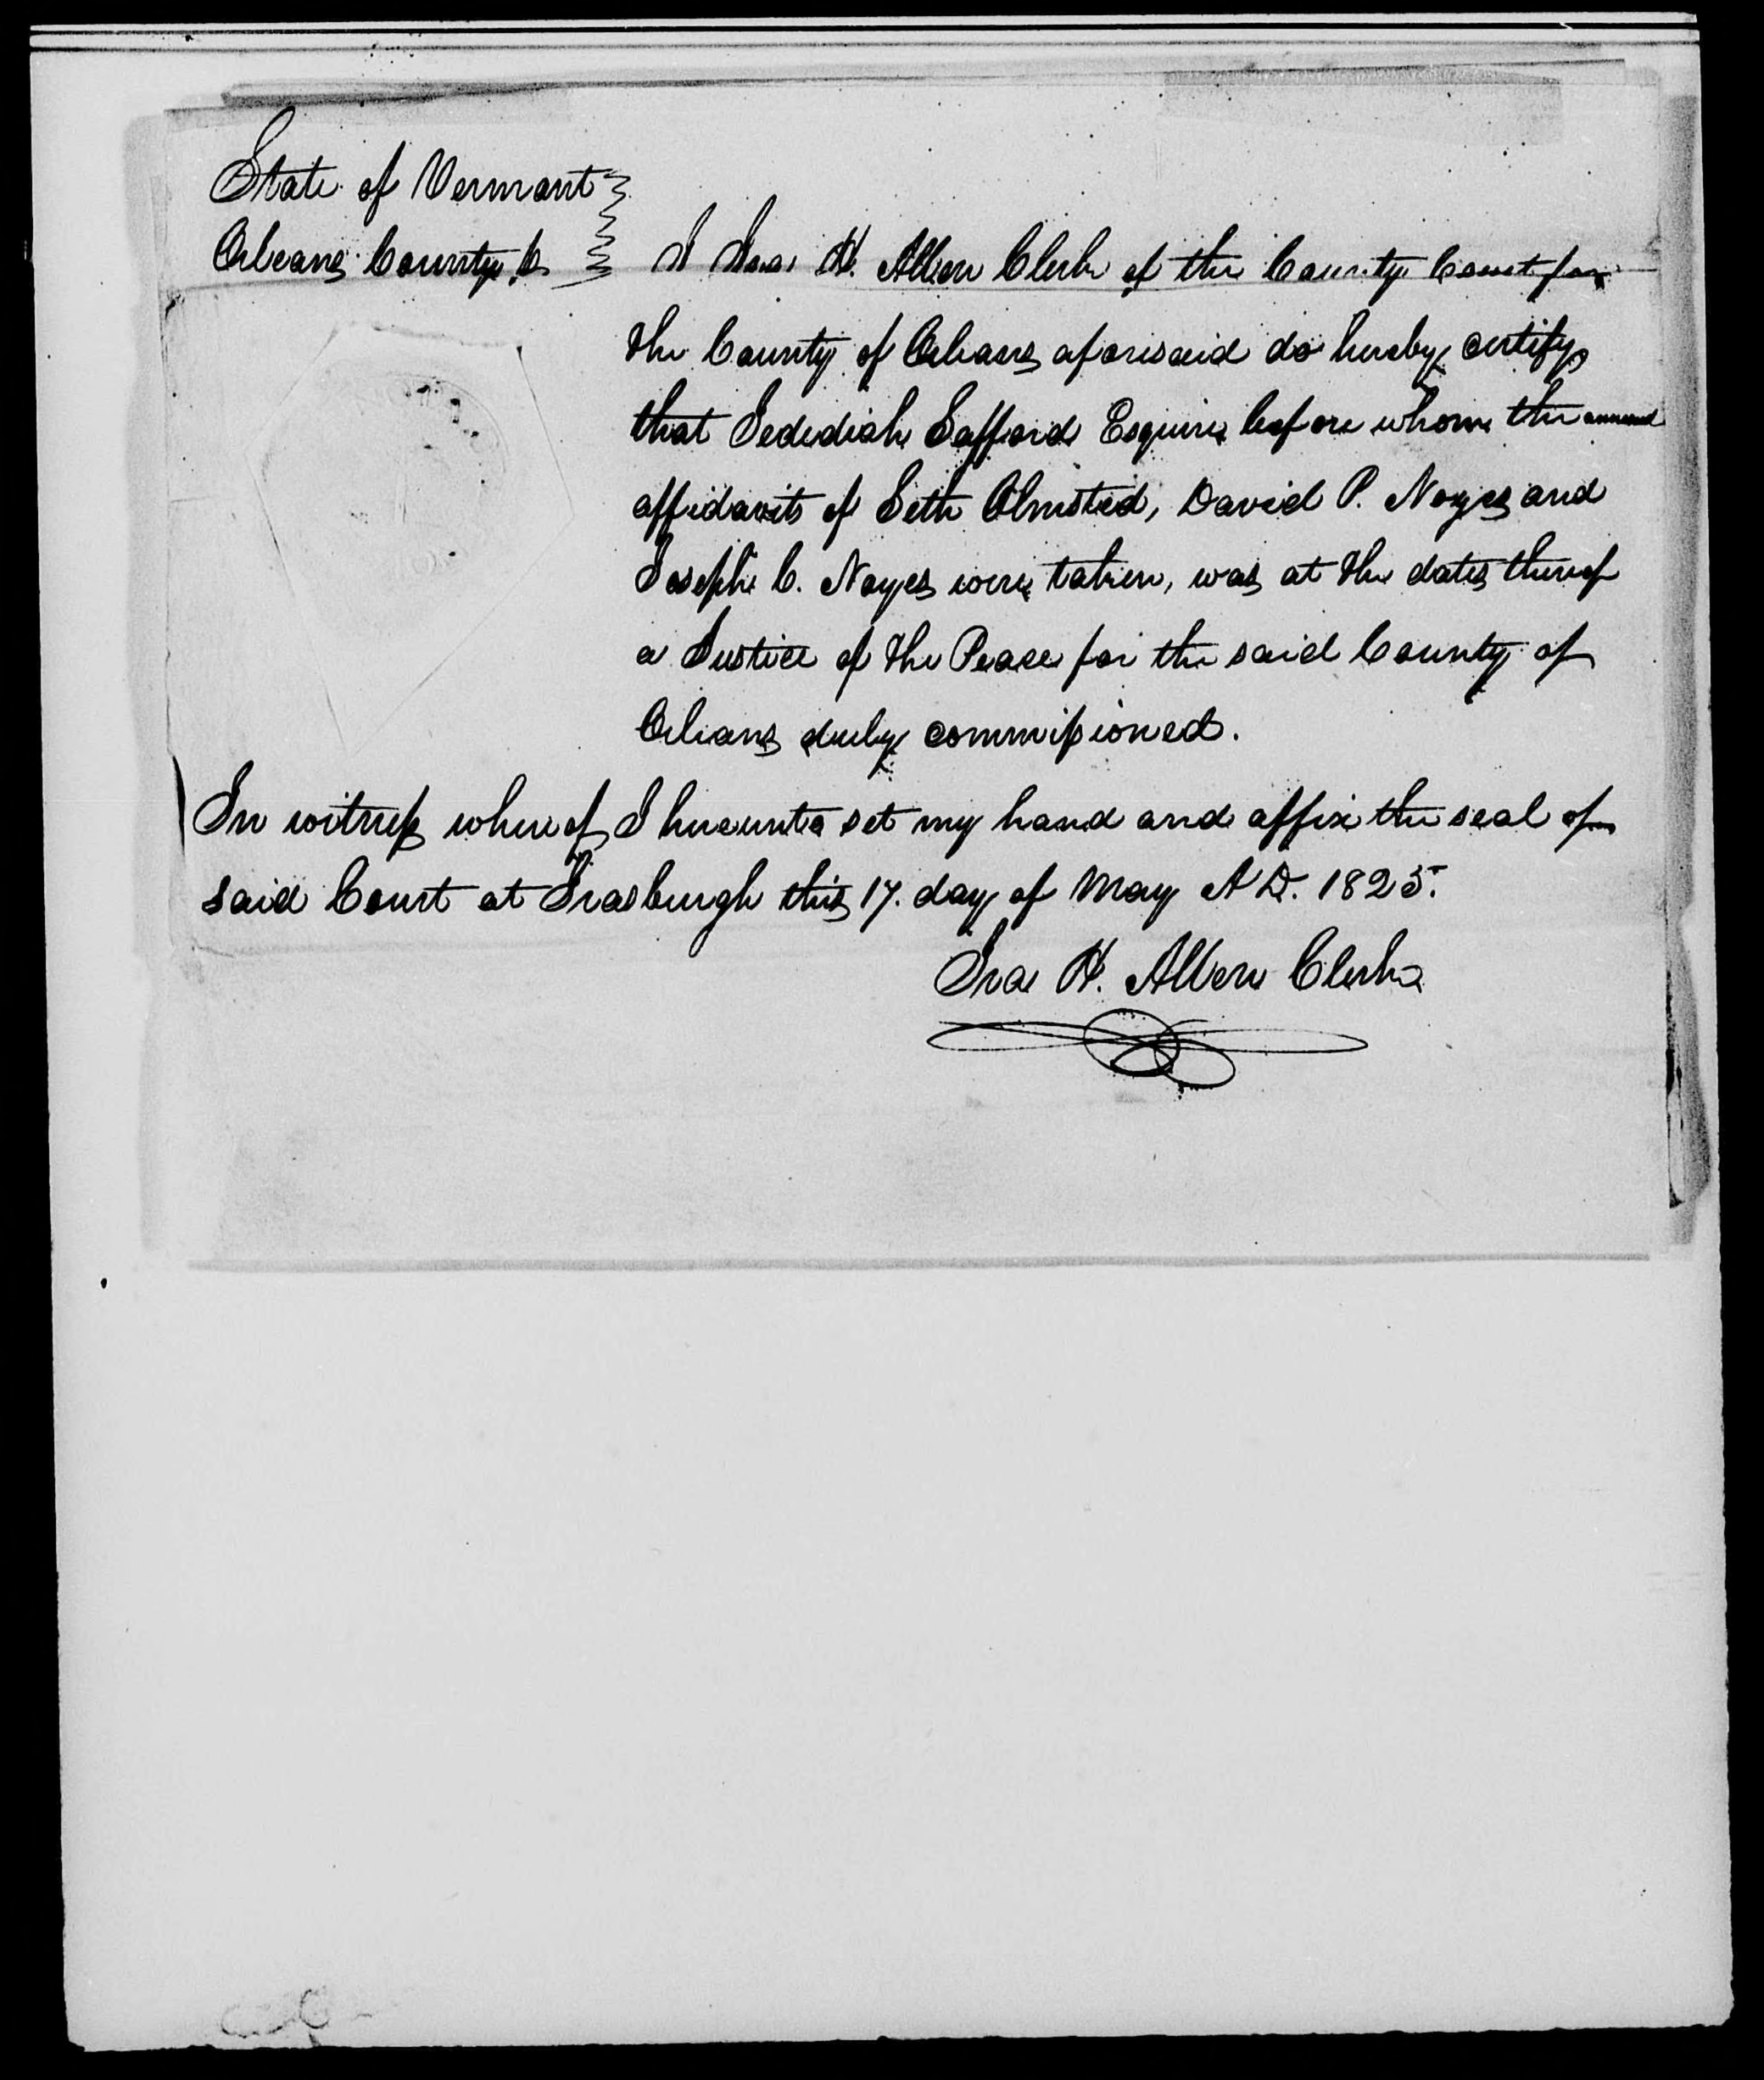State of Vermont )
Orleans County   ) I Ira H. Allen Clerk of the County _____ the County of Orleans aforesaid do hereby certify that Jebediah Safford Esquire before whom the ____ affidavits of Seth Olmsted, David P. Noyes and Joseph C. Noyes were taken, was, at the dates thereof a Justice of the Peace for the said County of Orleans, duly commissioned.
In witness whereof I hereunto set my hand and affix the seal of said Court at Irasburgh this 14 day of May AD. 1825.
Ira H. Allen Clerk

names: Jedediah Safford, Seth Olmsted, David P Noyes, Ira H Allen, Joseph C Noyes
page: 40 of 114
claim: widow's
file: W. 2115, Seth Hubbell, Conn.